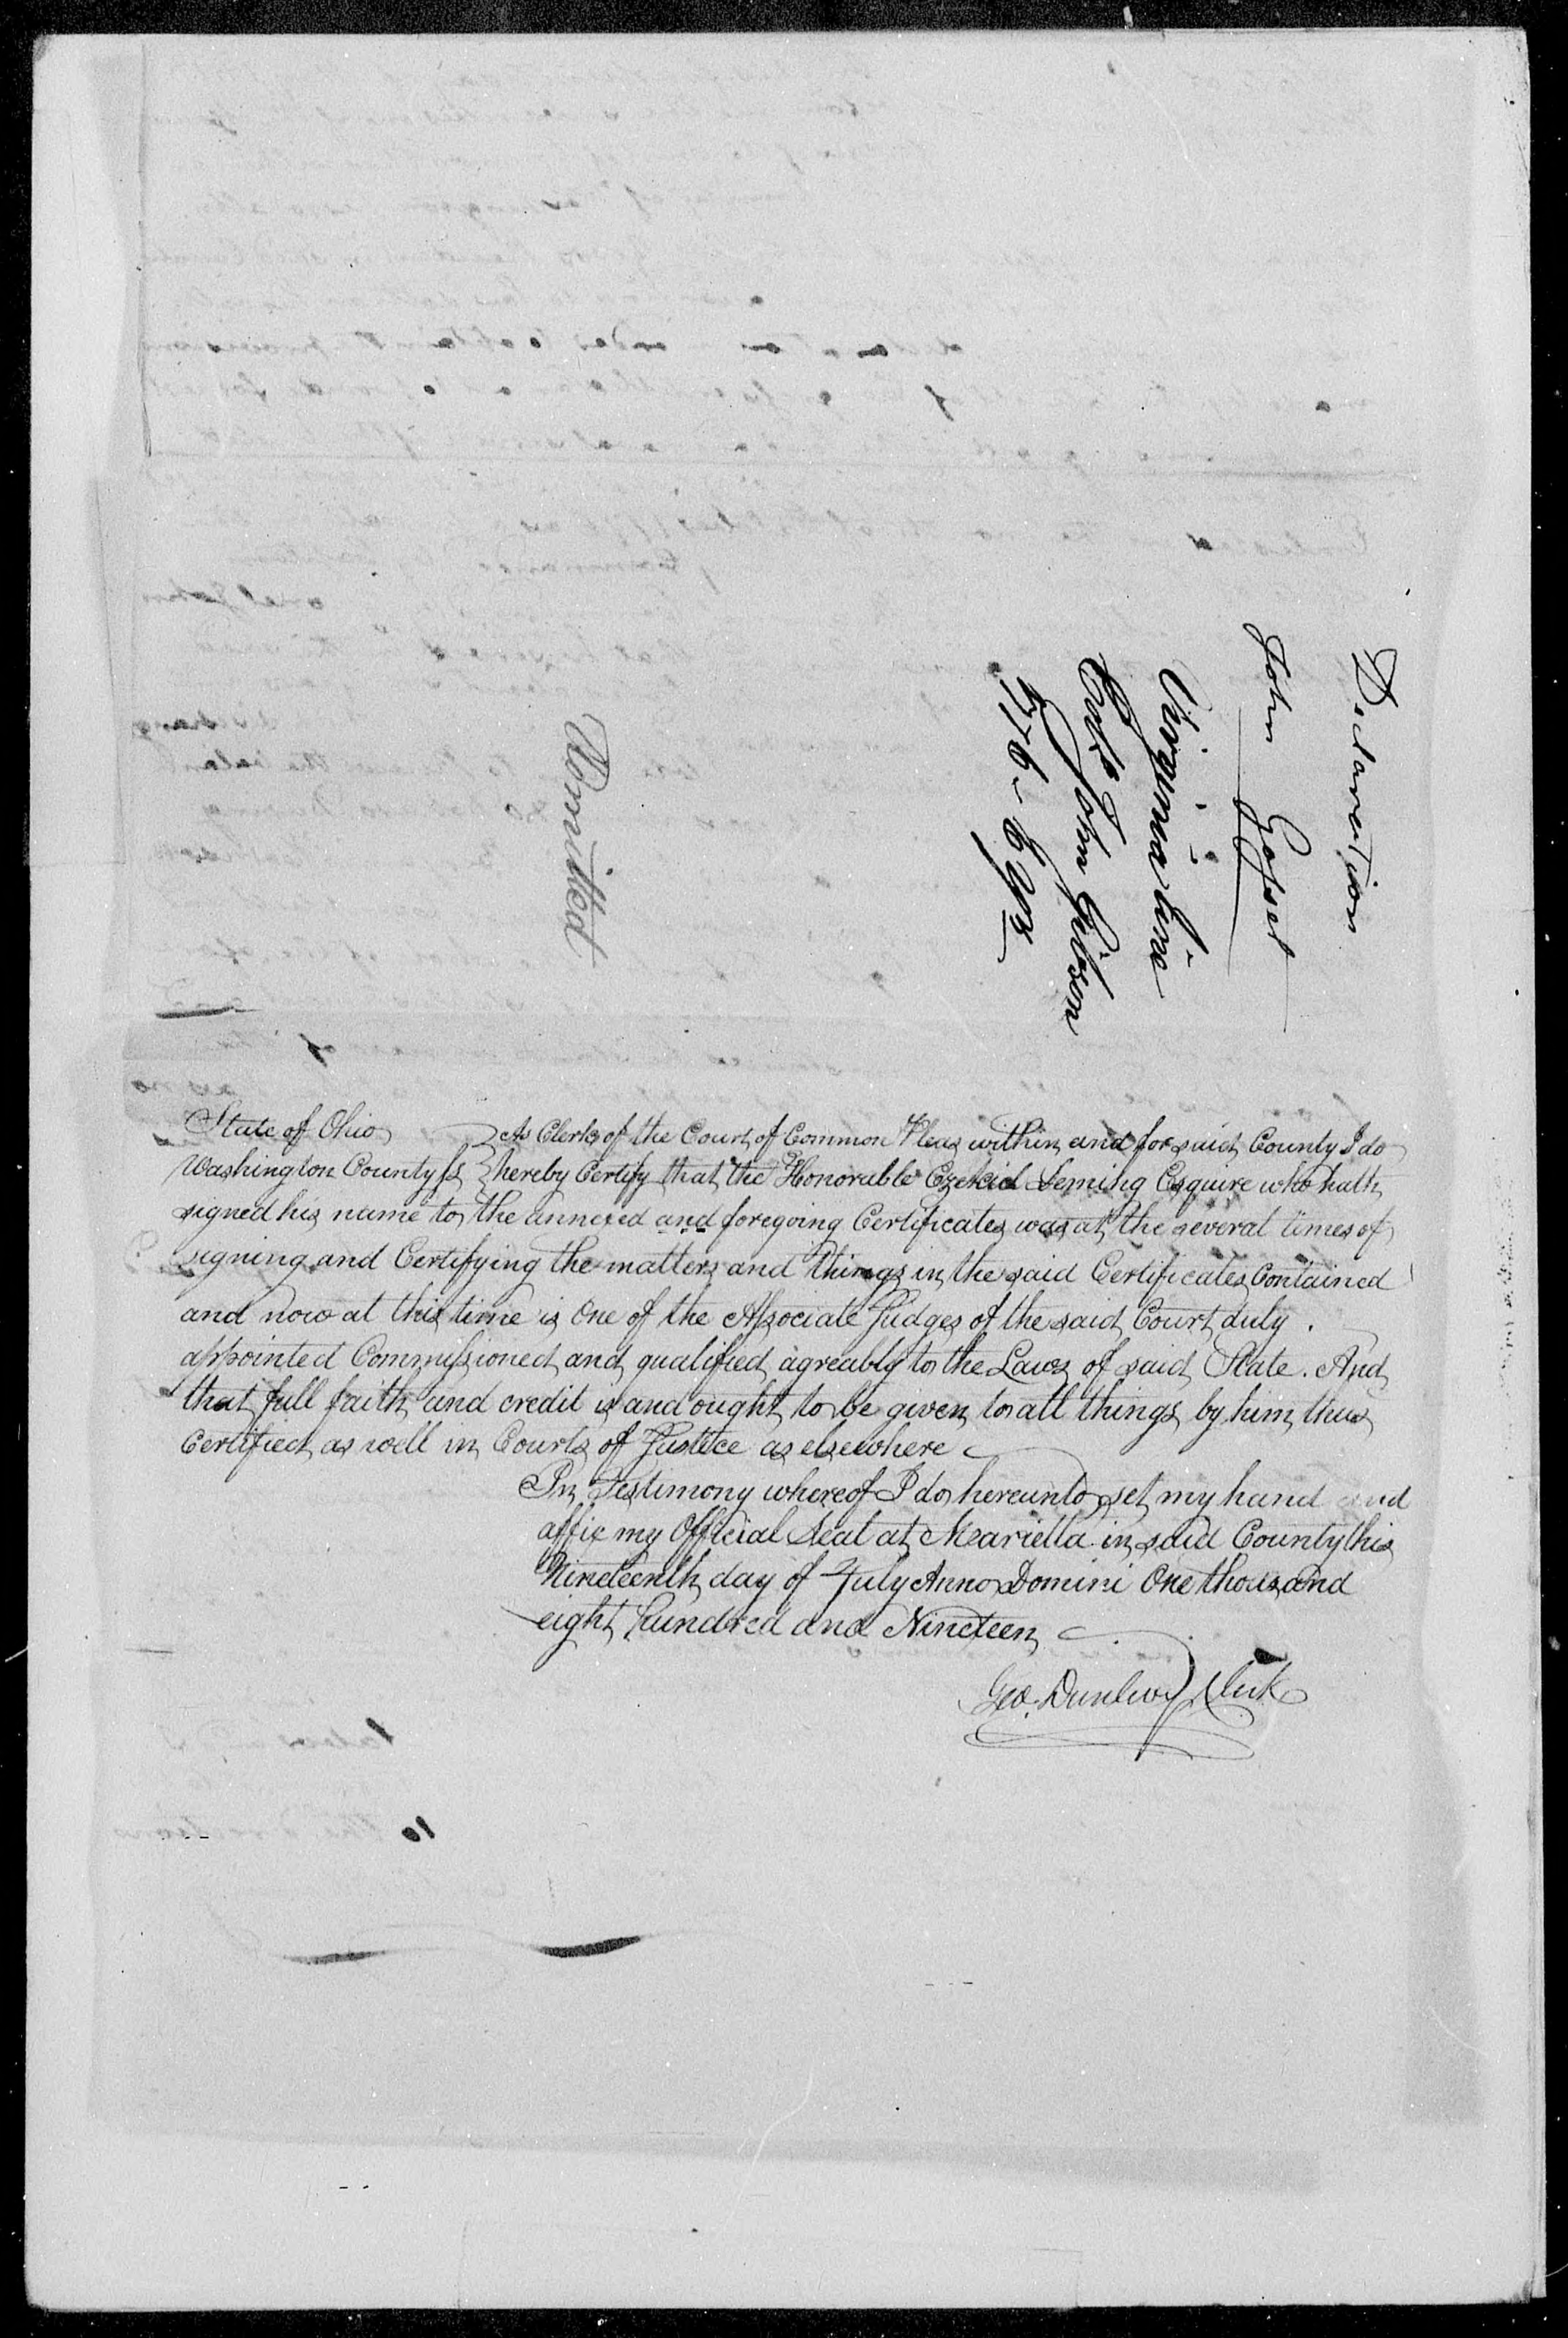[vertical; middle panel/fold]
Declaration John Gosset
Virginia line
Col. John Gibson
1776 - 6 yrs

Admitted

[horizontal; main body]
State of Ohio, Washington County Ss}
As Clerk of the Court of Common Pleas within and for said County I do hereby Certify that the Honorable Ezekiel Deming Esquire who hath signed his name to the annexed and foregoing Certificates was at the several times of Signing and Certifying the matters and Things in the said Certificates contained and now at this time is one of the Associate Judges of the said Court duly appointed Commissioned and qualified agreably [agreeably] to the Laws of said State. And that full faith and credit is and ought to be given to all things by him thus certified as well in Courts of Justice as elsewhere~
In Testimony whereof I do hereunto set my hand and affix my Official Seal at Marietta in said County this Nineteenth day of July Anno Domini One thousand eight hundred and Nineteen.
Geo Dunlevy Clerk [signature]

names: John Gibson, Ezekiel Deming, Geo Dunlevy, John Gosset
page: 5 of 21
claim: survivor's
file: S. 42,750, John Gosset, Va.